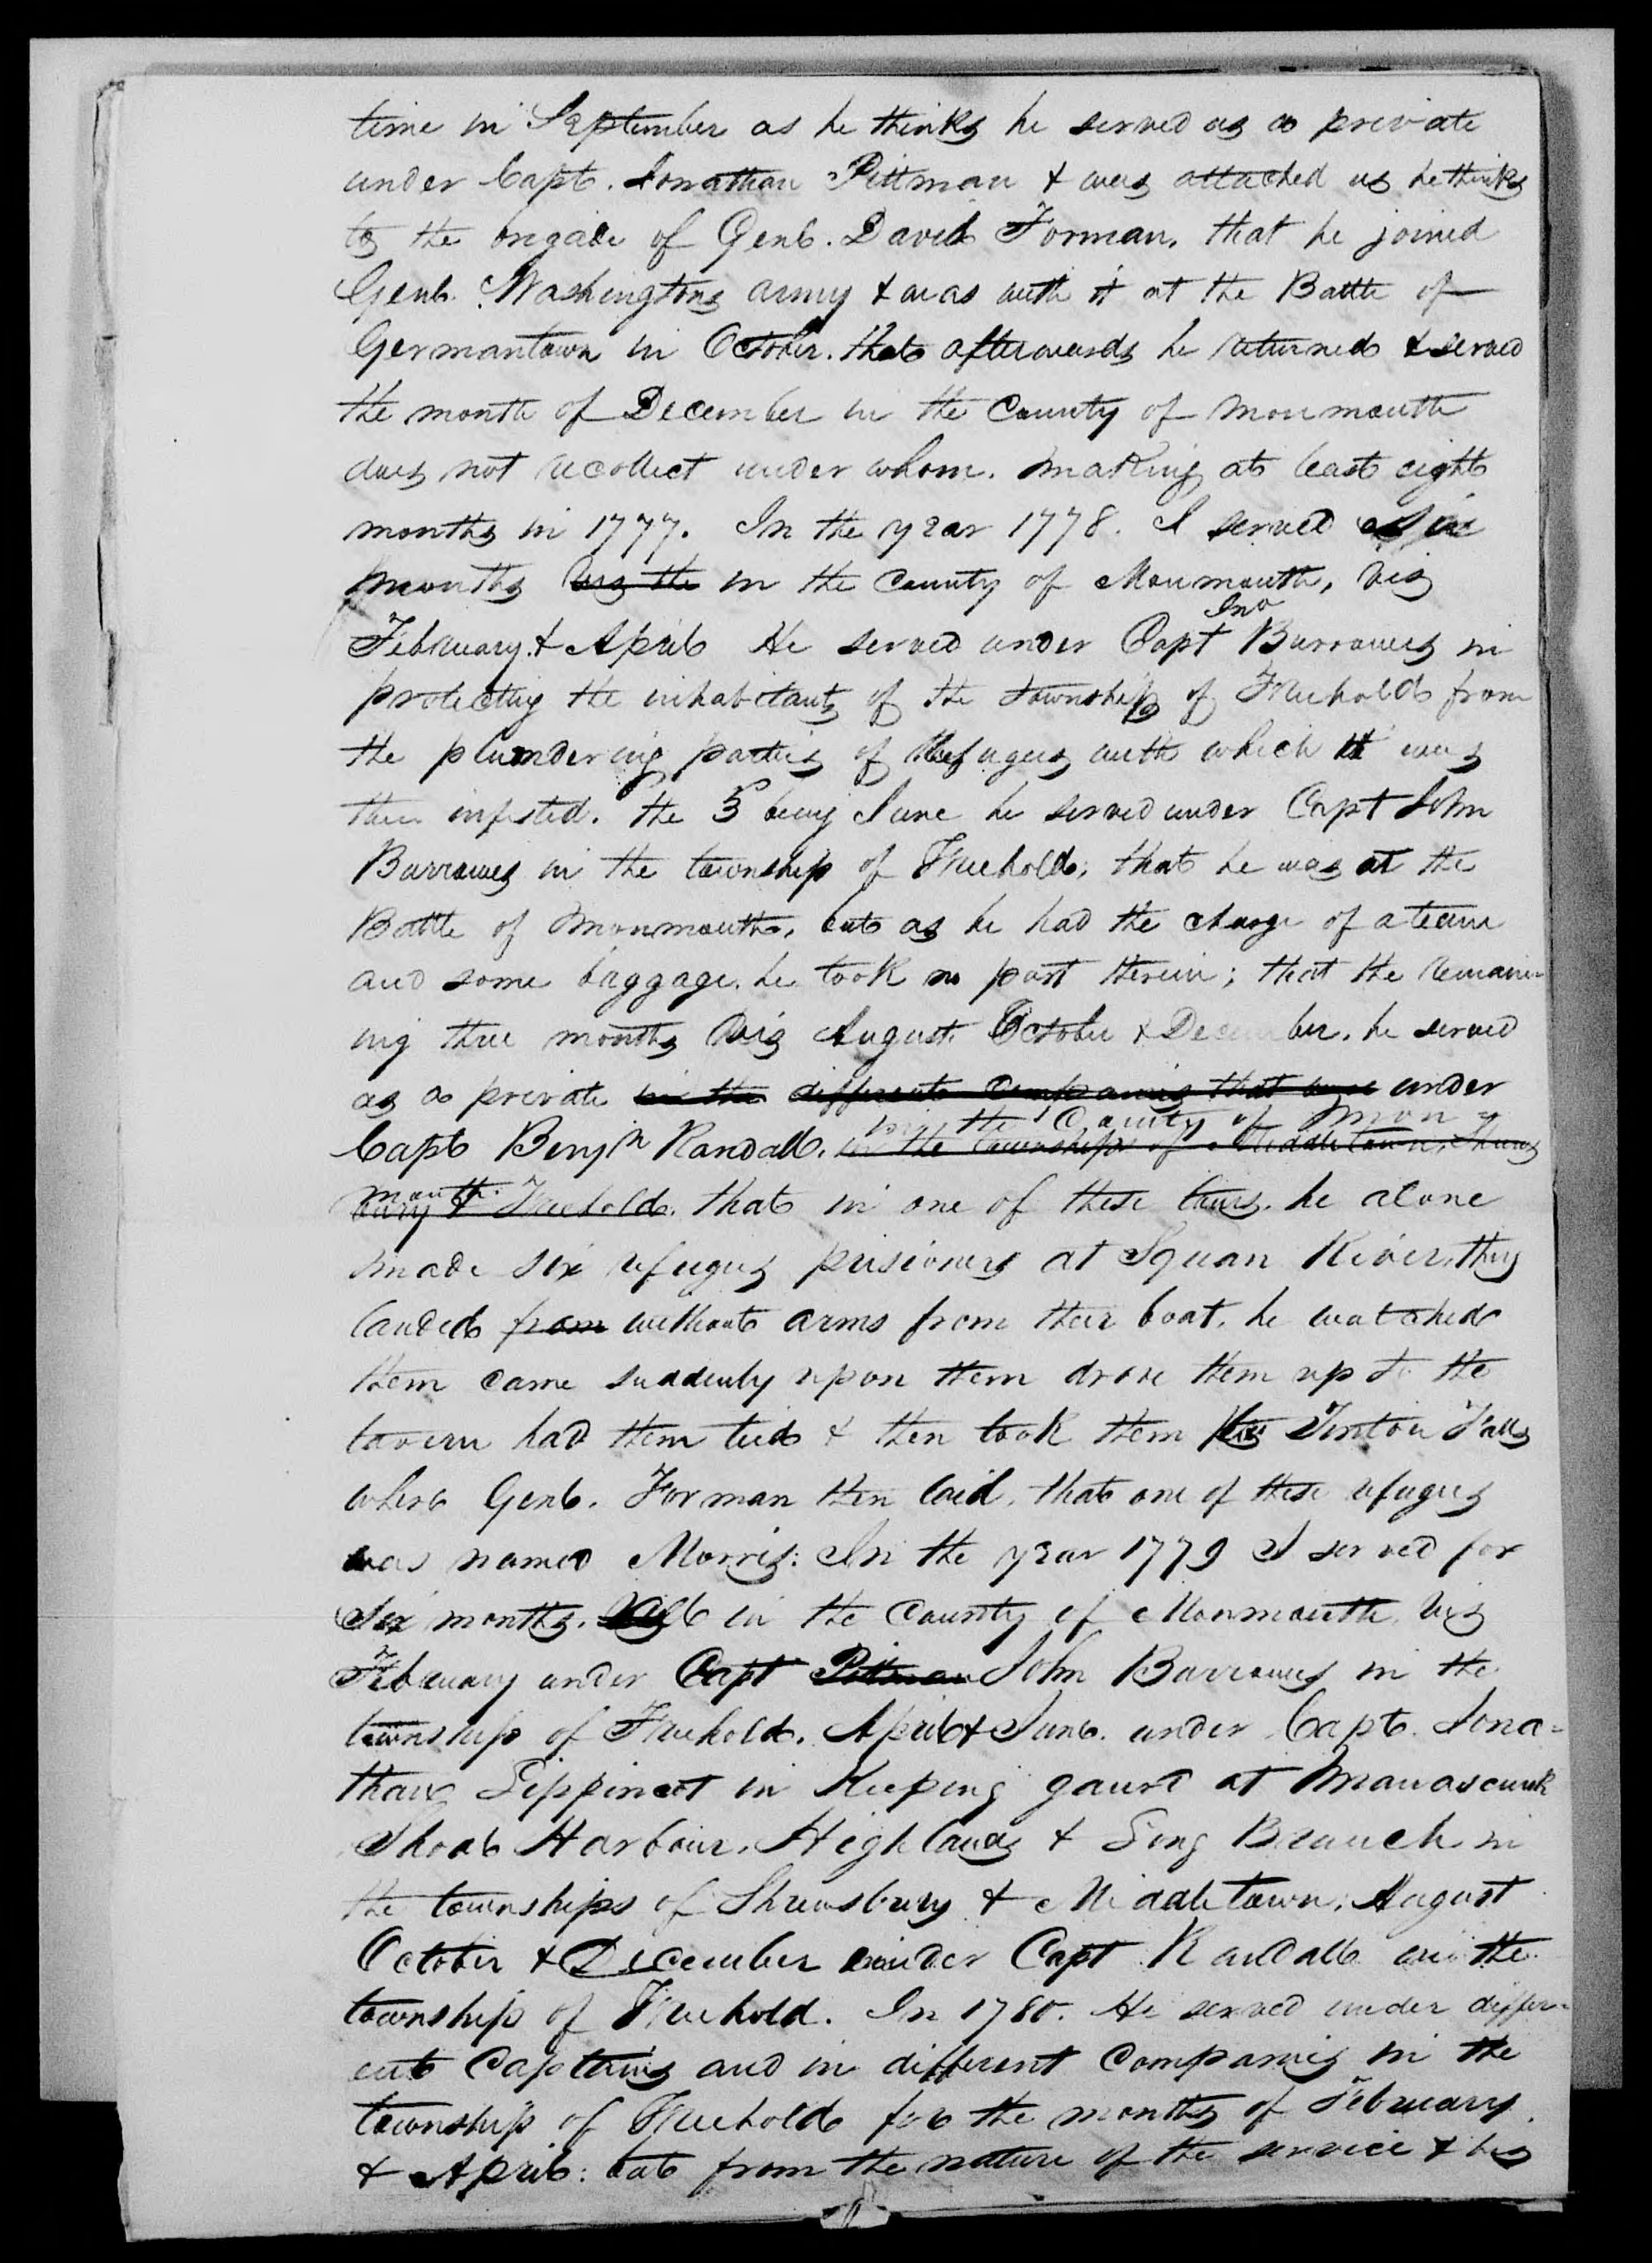time in September as he thinks he served as a private under Capt. Jonathan Pittman & was attached as he thinks to the brigade of Gen. David Forman, that he joined Genl Washingtons Army & was with it at the Battle of Germantown in October. That afterwards he returned & served the month of December in the County of Monmouth does not recollect under whom, making at least eight
months in 1777. In the year 1778 I served 6                
months in the County of Monmouth, [viz]
February & April. He served under Capt [   ] Burrowes in protecting the inhabitants of the township of Freehold from the plundering parties of the refugees with which it was
[their] infested. The 3rd day June he served under Capt John Burrowes in the township of 
Freehold; that he was at the Battle of Monmouth, but as he had the change of a team and some baggage he took no part therein; that the remaining three months  viz August October & December, he served
as a private under Capt Benj Randall in the County of Monmouth town of Freehold that in one of these theirs, he alone made six refugees prisoners at Squan River the landed from without arms from their boat, he watched them came suddenly upon them then drove them up to the drove them up to the tavern then had them {tied} & then took them to Tinton Falls when Genl. Forman then said, that one of these refugees was named Morris. In the year 1779 I served for six months in the County of Monmouth [viz] February under Capt John Barroway in the township of Freehold, April & June under Capt. Jonathan Lippincot in Keeping guard at Manascurk
Shoal Harbour, Highlands & Long Branch in
the townships of Shrewsbury & Middletown, August October & December under Capt Randall in the township of Freehold. In 1780. He served under different Captains and in different companies in the township of Freehold for the month of February & April that from the nature his service and his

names: Jonathan Lippincot; Benjn Randall; John Burrawes; [BLANK] Forman; [BLANK] Burrawes; Jonathan Pittman; David Forman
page: 5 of 20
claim: survivor's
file: S. 2870, for Samuel Mount, New Jersey